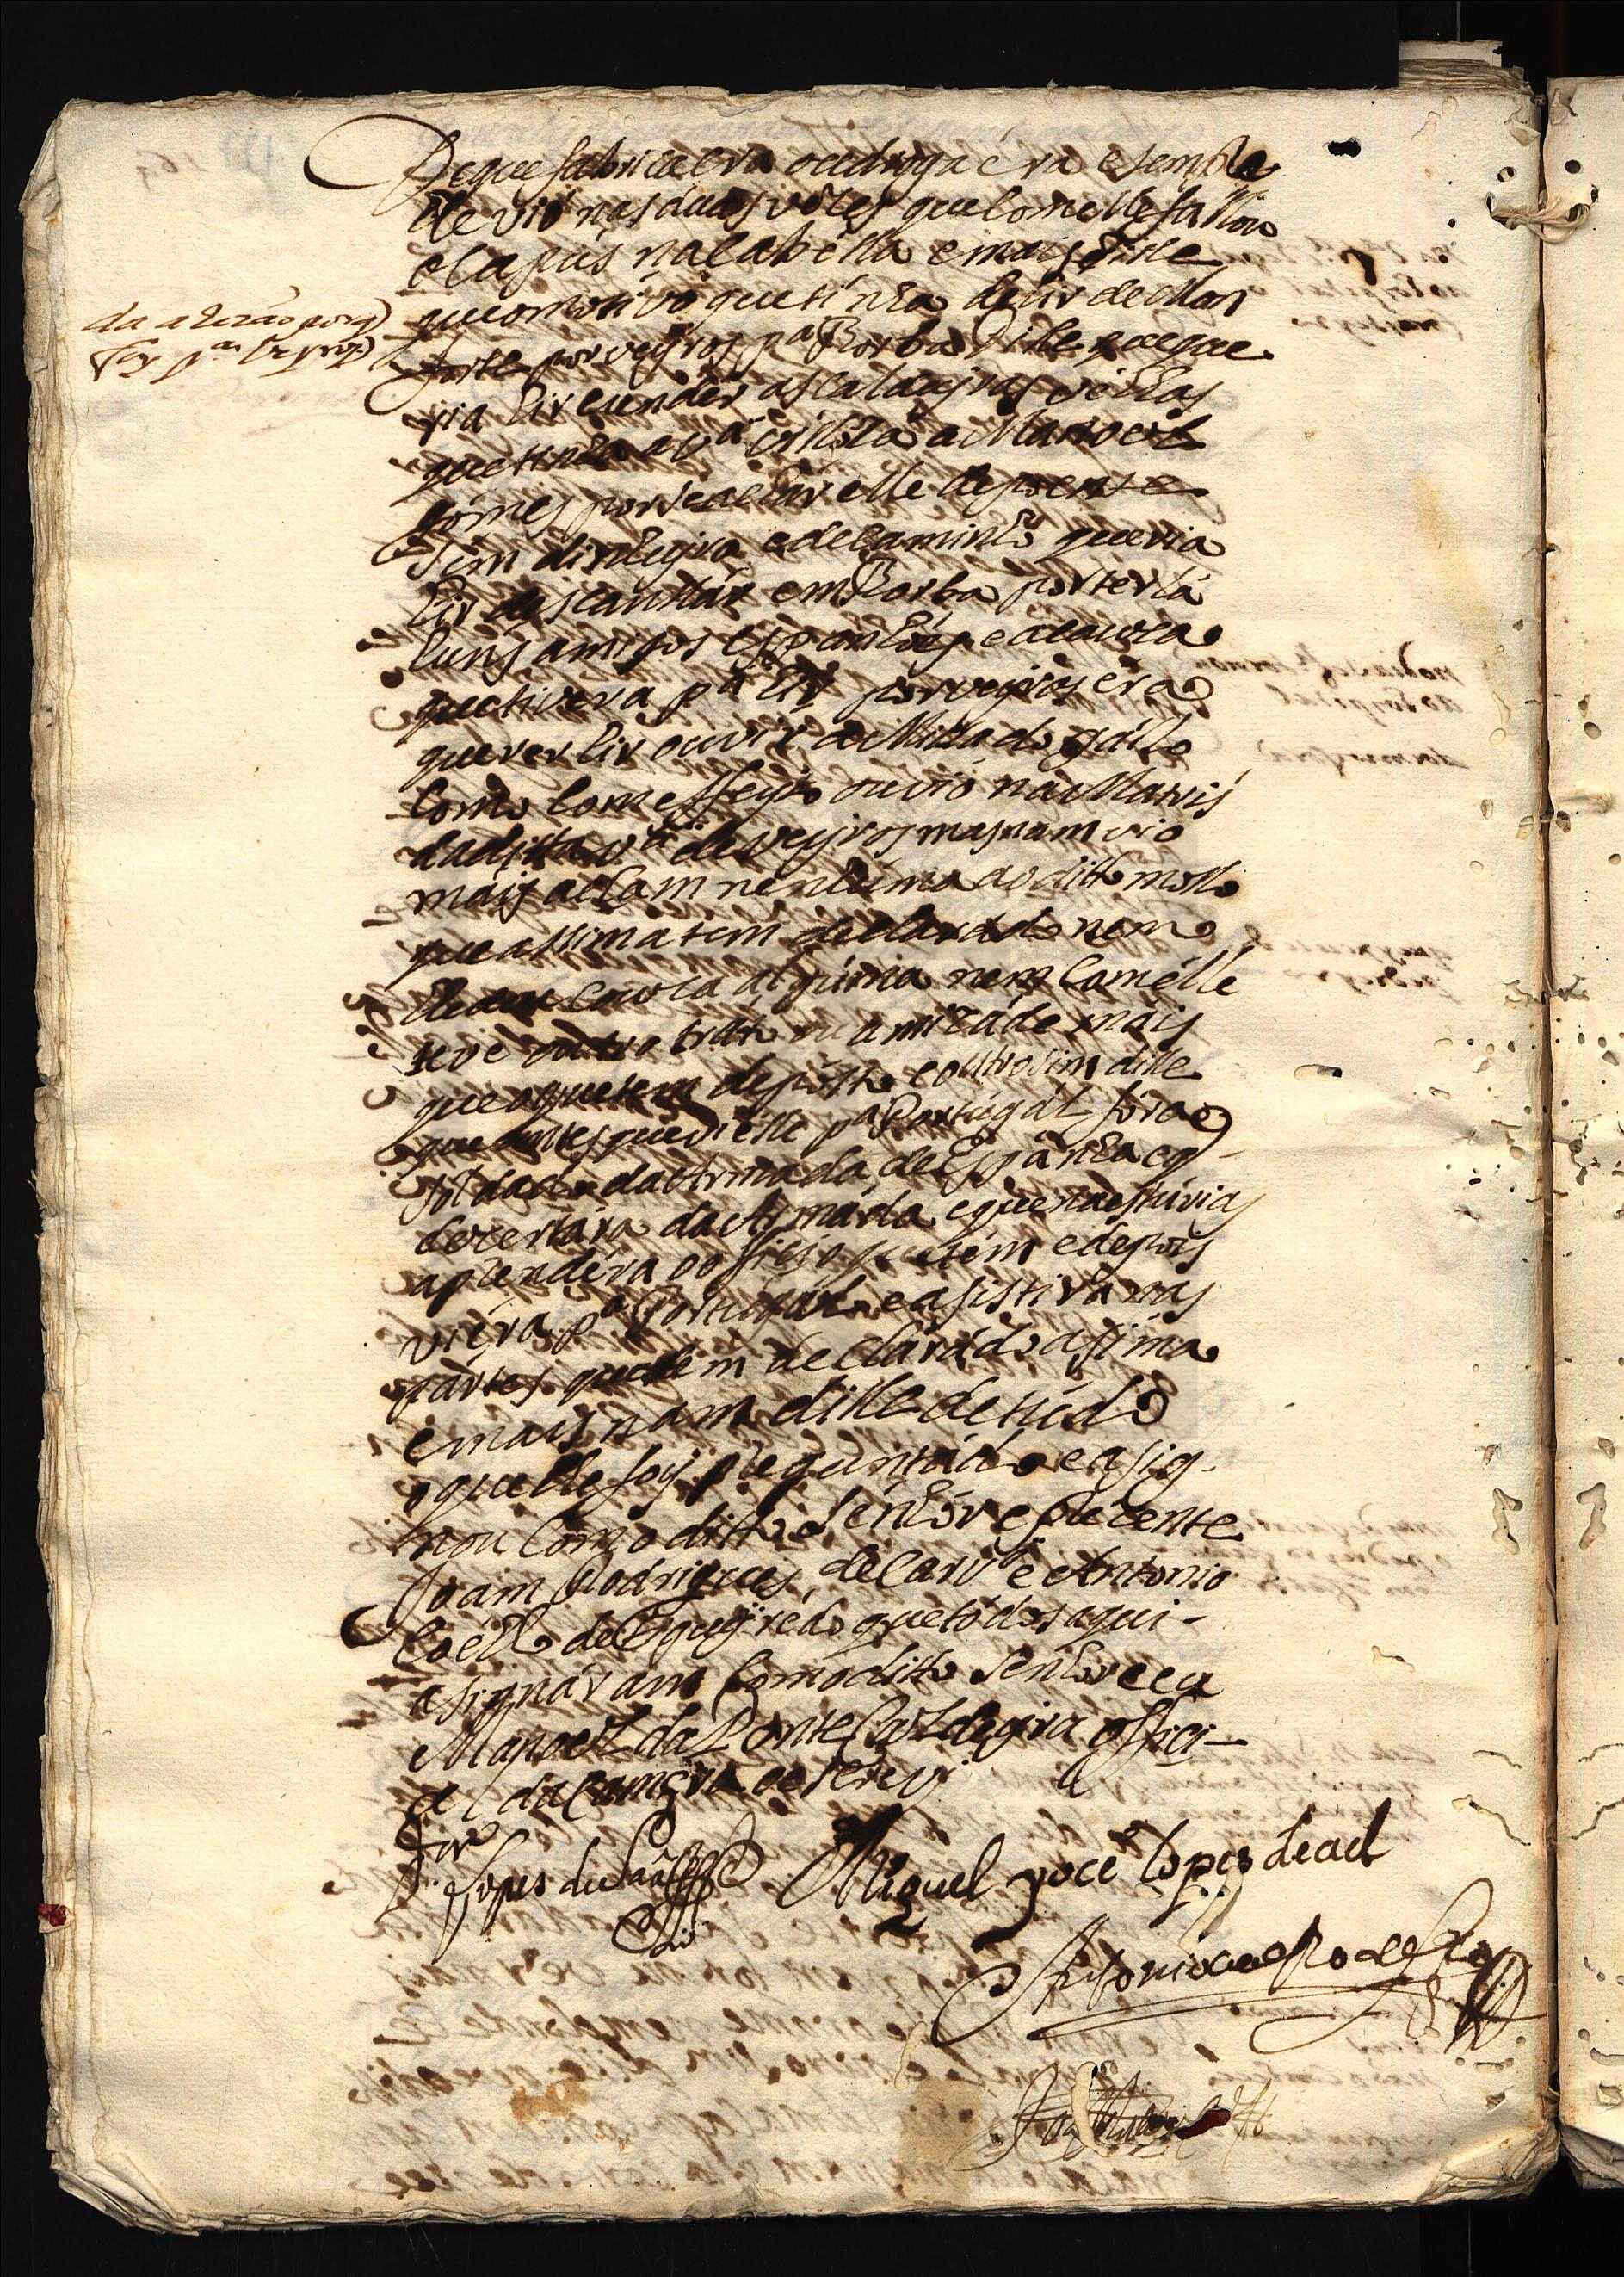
da a Rezão porq̄
foy p.a Veyros.
De que fabrica era ou droga era e sempre
lhe vio nas duas vezes que com elle fallou
o capús na cabessa e mais disse
que o motivo que tinha de hir de Mon
forte por veyros pa Borba Disse que que
ria hir eunder as caldeyras velhas
que tinha a v.a vissoza a ManoeL
gomes por se achar elle depoente
sem dinheyro e de caminho queria
hir descanssar em Borba por ter lá
huns amigos espanhoés e a cauza
que tivera pa hir, por veyros era
querer hir ouvir a Missa do gallo
Como com effeyto ouvio na Matris
da ditta v.a de veyros mas nam vio
mais acCam nenhuma ao ditto mosso
que assima tem declarado nem
lhe deu couza alguma, nem com élle
teve outro trato ou amizade mais
que o que tem deposto, e outrosim disse
que antes que viesse pa Portugal fora
soldado da Armada de Espanha e q̄
dezertara da Armada, e que na estúrias
aprendera o officio que tem e depois
viera pa PortugaL, e asistira nas
partes que tem declarado asima
e mais nam disse de tudo
o que lhe foy preguntado e asig
nou Com o ditto Senhor e prezente
Joam Rodrigues de carvo e Antonio
Coelho de Figueyredo que todos aqui
asignaram Com o ditto senhor e eu
Manoel da Ponte CaLdeyra offici
al da Camera o escrevj
p̄.or
Lopes de Saâ
Miguel yoce lopes de ael
Antonio coelho de fdo
